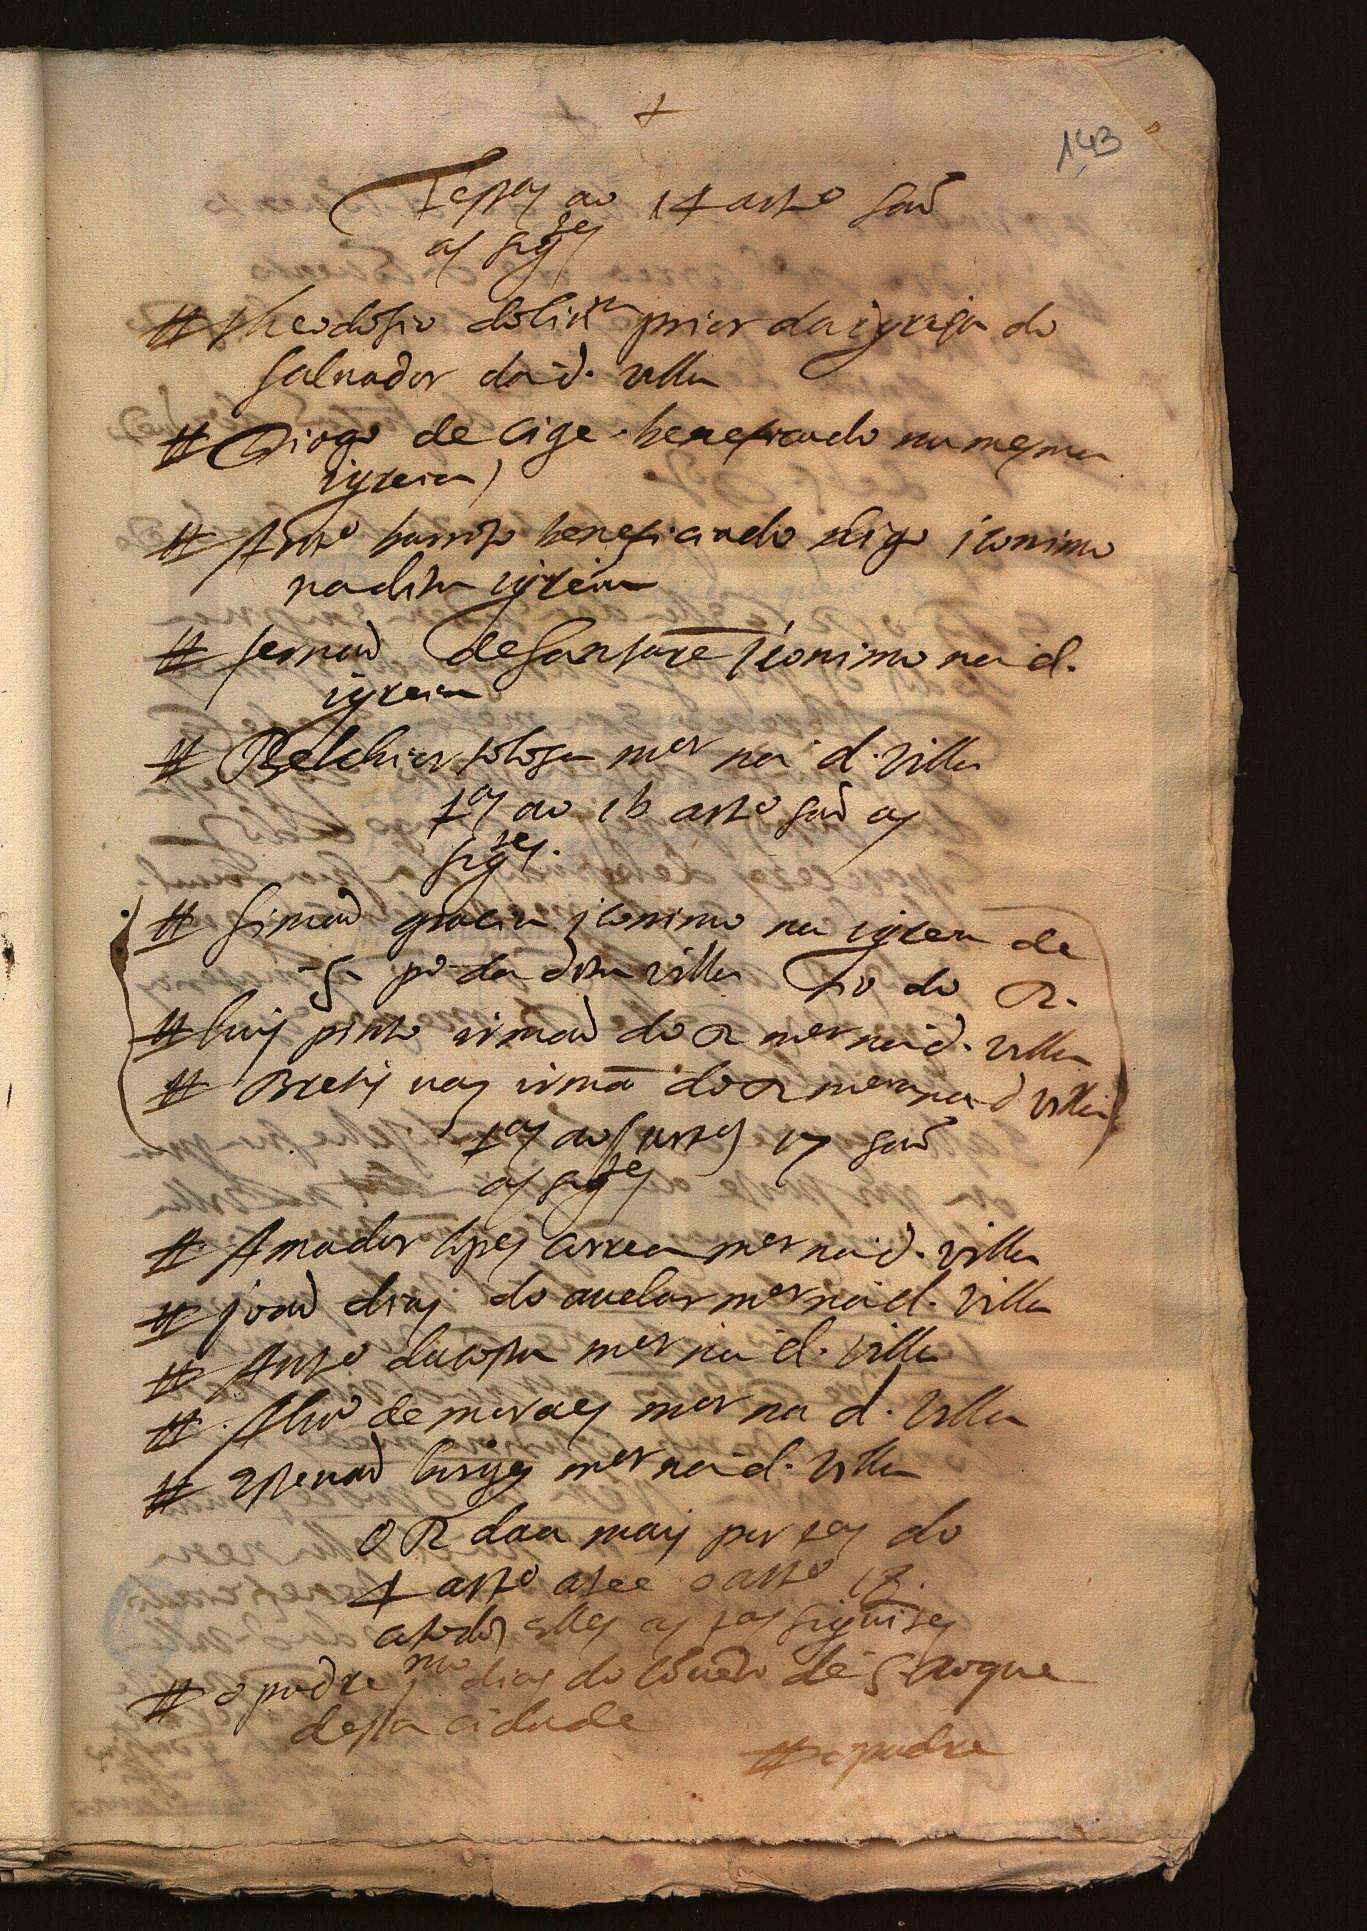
Testas ao 14 arto saõ
as segtes
item theodosio doliura prior da igreja do
saluador da d. villa
item Diogo de cige beneficado na mesma
igreia /
item Anto barrozo beneficiado digo iconimo
na dita igreia
item fernaõ de santarē iconimo na d.
igreia
item Belchior tolosa mor na d. villa
tas ao 1b arto saõ as
segtes.
item Simaõ gracia jconimo na igreia de
s. po da dita villa tio do R.
item luis pinto irmaõ do R mor na d. villa
item Bretis uaz irmã do R mora na d villa
tas ao // artos 17 saõ
as segtes
item Amador lopez correa mor na d. villa
item joaõ dias do auelar mor na d. villa
item Anto da costa merna de Villa
item Aluo de moraes mor na d. villa
item Esteuaõ borges mor na d. villa
o R daa mais por tas do
4 arto atee o arto 18.
a todos Elles as tas siguītes
item o padre jmo dias do cōuēto de S. Roque
desta cidade
item o padre
